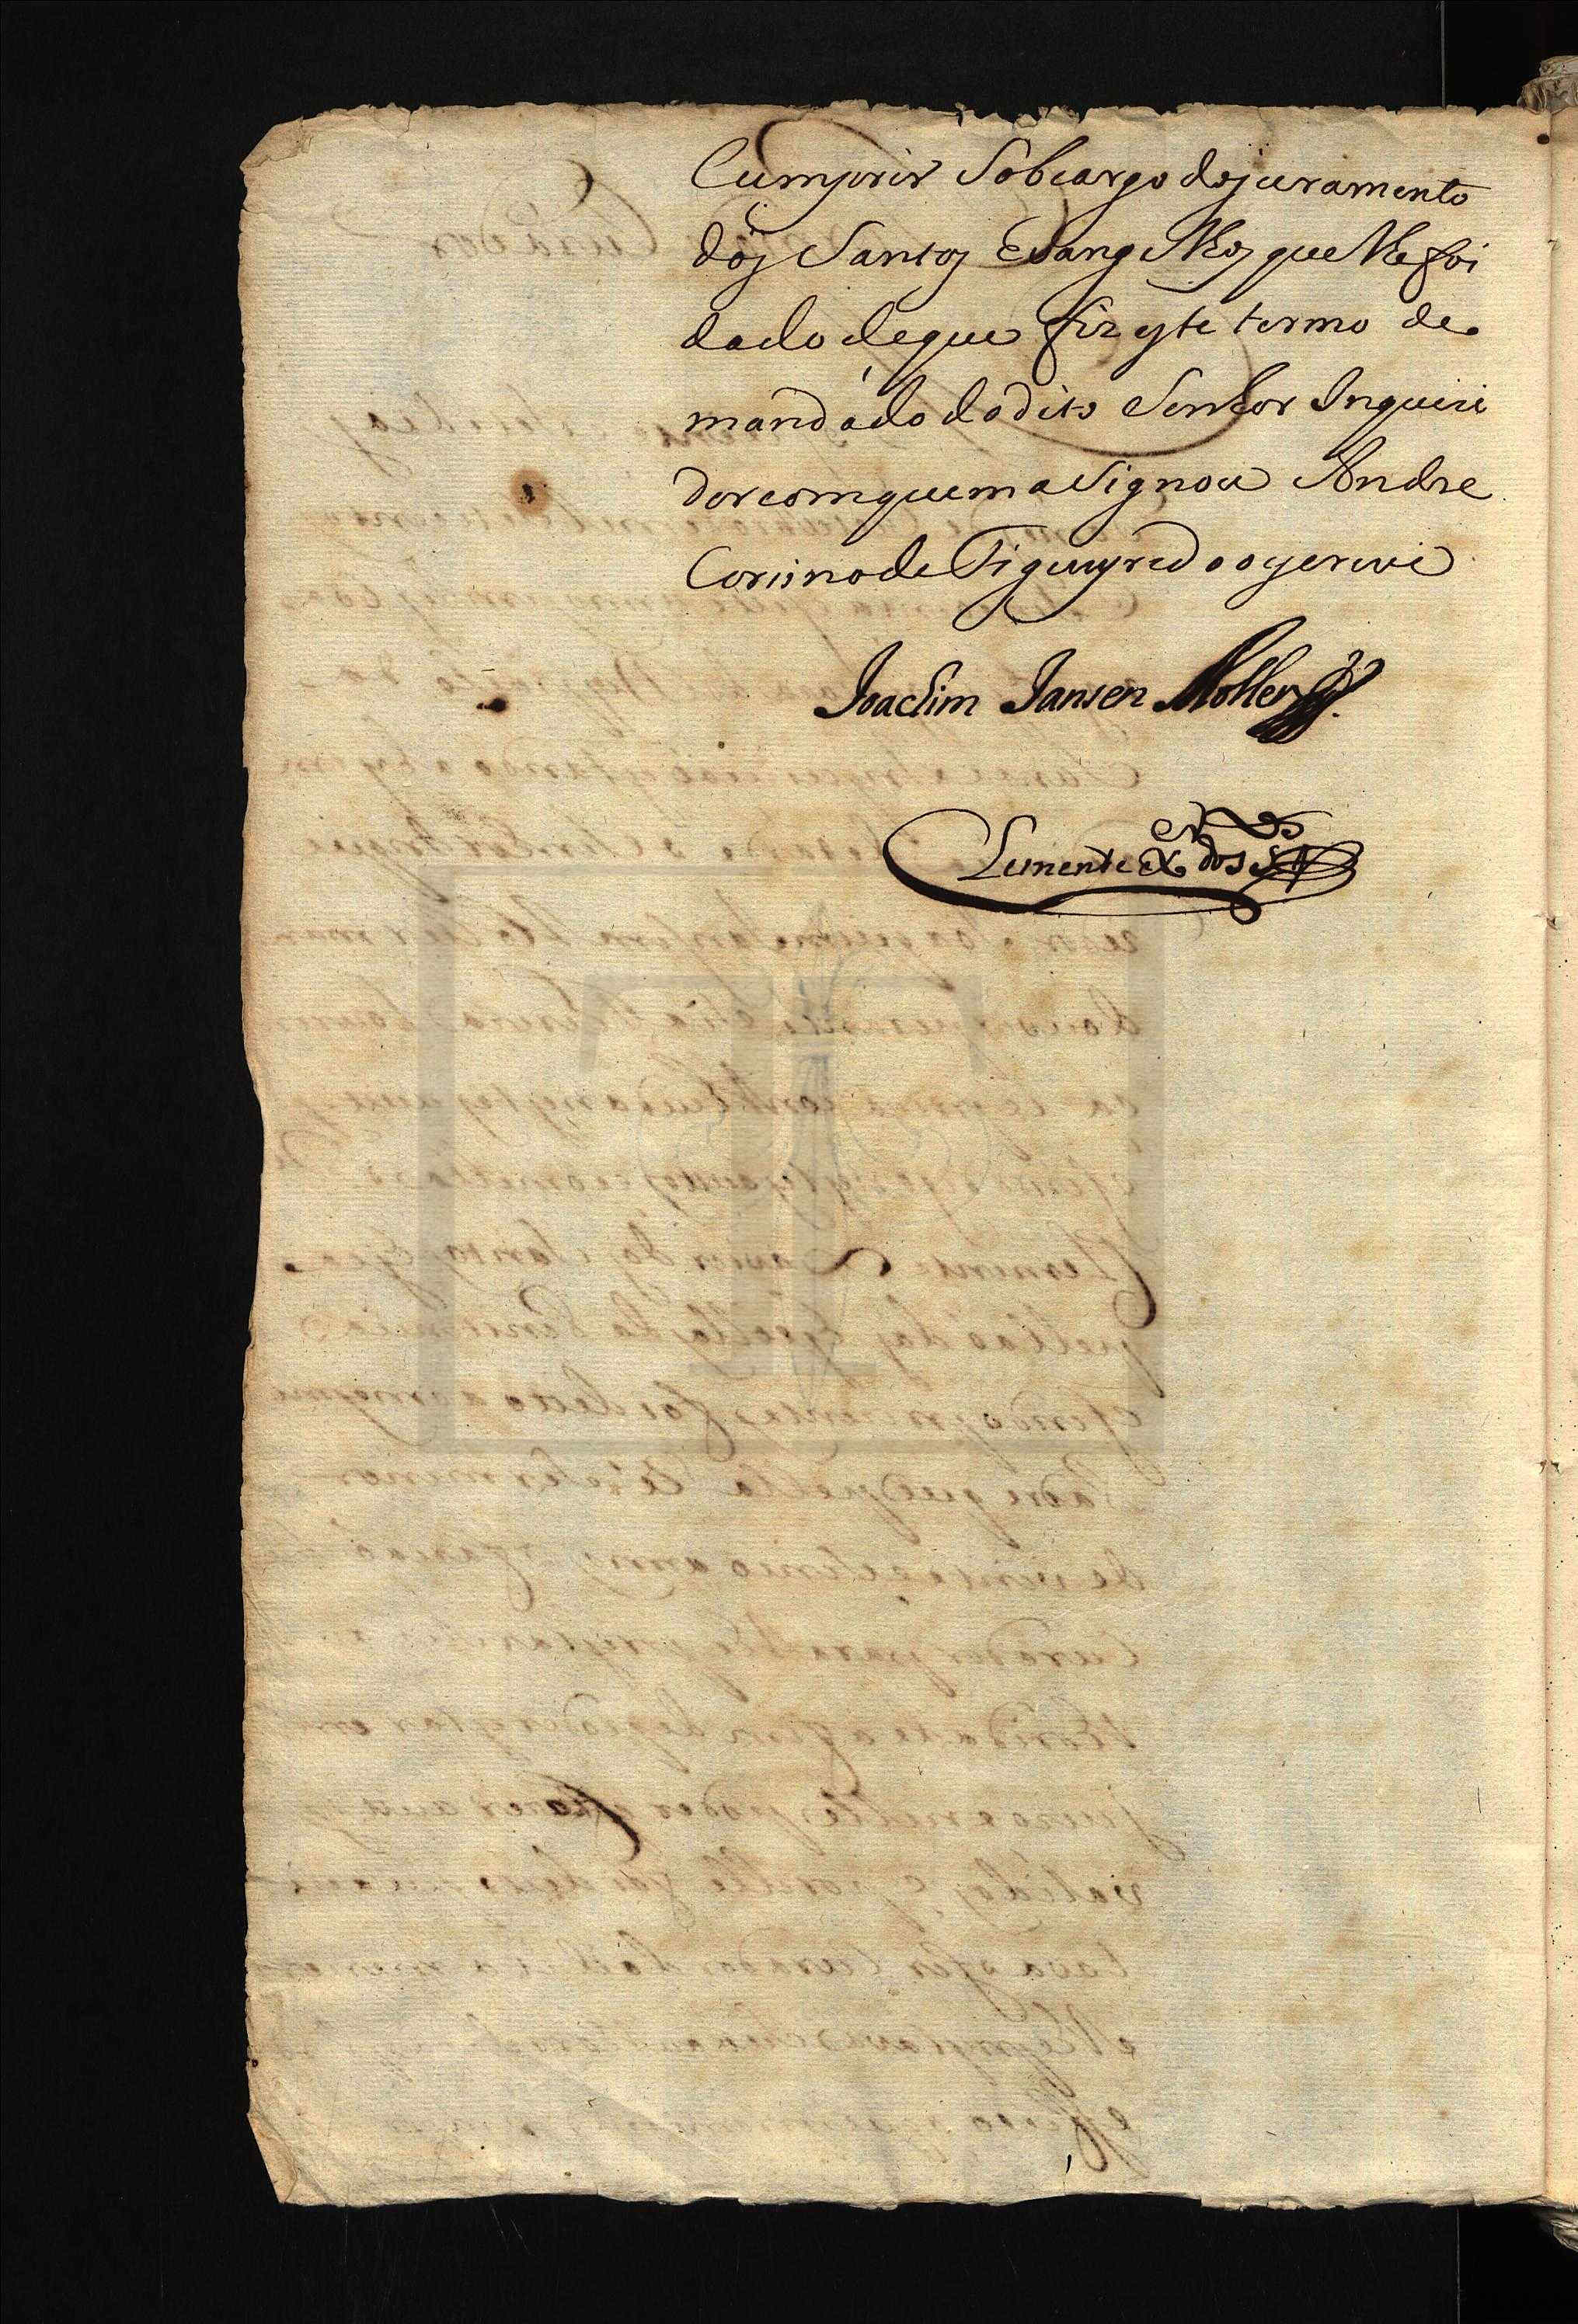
Cumprir Sob cargo do juramento
dos Santos Evangelhos que lhe foi
dado, de que fiz este termo de
mandado do dito Senhor Inquizi
dor com quem aSignou Andre
Corsino de Figueyredo o escrevi
